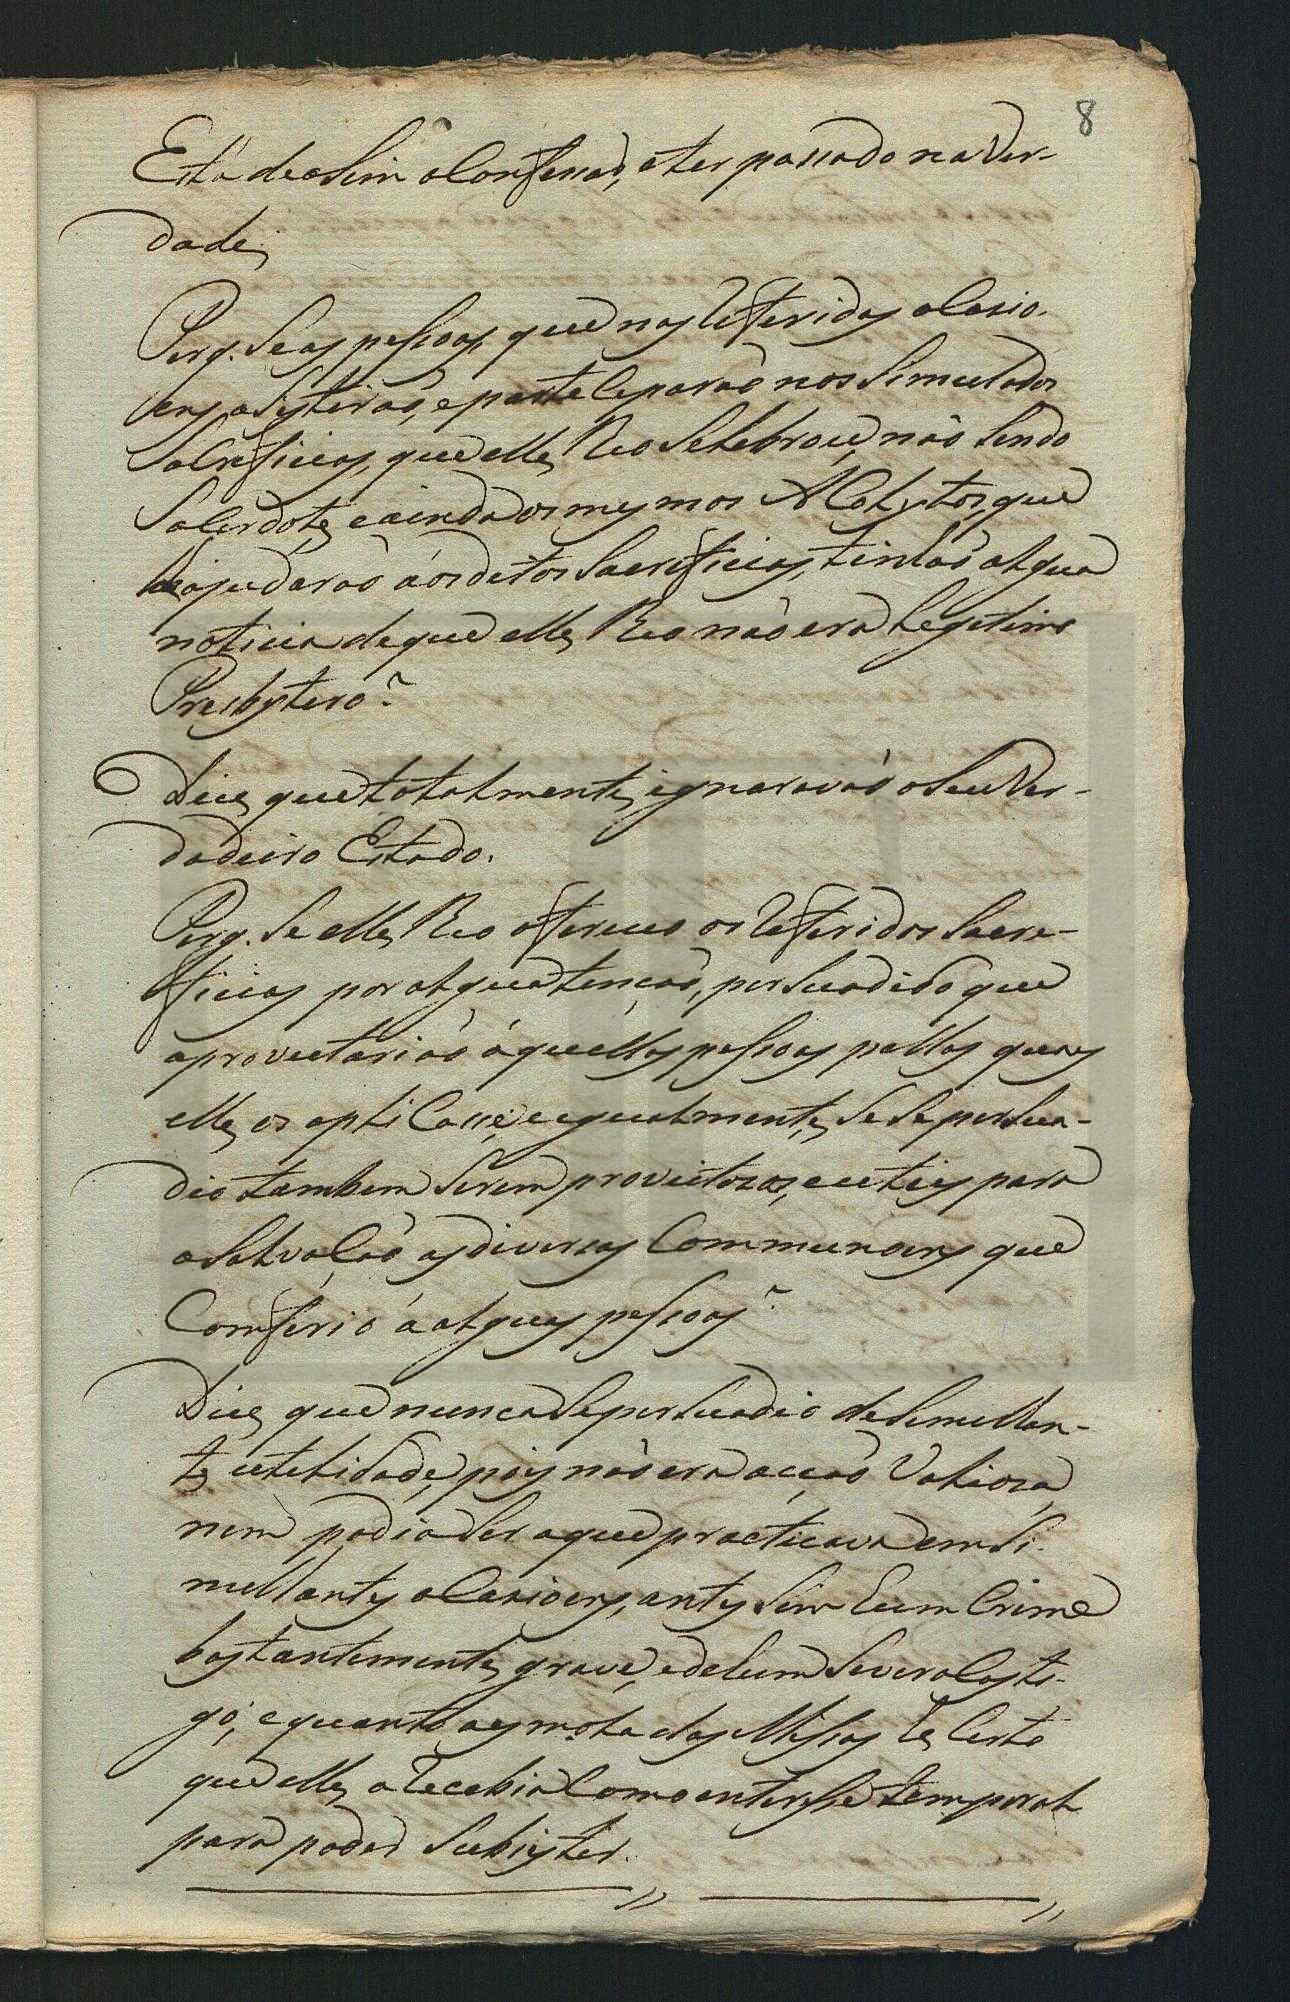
Está de aSim o Confessar, e ter passado na Ver
dade
Perg. se as pessoas que nas Referidas oCazio
ens, asistiraõ, e parteCeparaõ nos Simulados
SaCreficios, que elle Reo Selebrou, naõ sendo
SaCerdote, e ainda os mesmos ACoLytos, que
lhe ajudaraõ aos ditos Sacreficios, tinhaõ algua
noticia de que elle Reo naõ era Legitimo
Presbytero?
Dice que totalmente ignoravaõ o Seu Ver
dadeiro Estado.
Perg. se elle Reo ofereceo os Referidos Sacre
ficios por algua tençaõ, persuadido que
aprovetariaõ áquellas pessoas pellas quaes
elle os apliCasse, e egualmente, se se persua
dio tambem serem proveitozos, e uteis para
a SalvaÇaõ as diversas Communoens que
Comferio a alguas pessoas?
Dice que nunca Se persuadio de Semelhan
te utiLidade, pois naõ era acçaõ VaLioza
nem podia Ser a que practicava em Si
melhantes oCazioens, antes Sim hum Crime
bastantemente grave, e de hum Severo Casti
go, e quanto a esmola das Missas he Certo
que elle a Recebia Como interesse temporaL
para poder subsistir.
